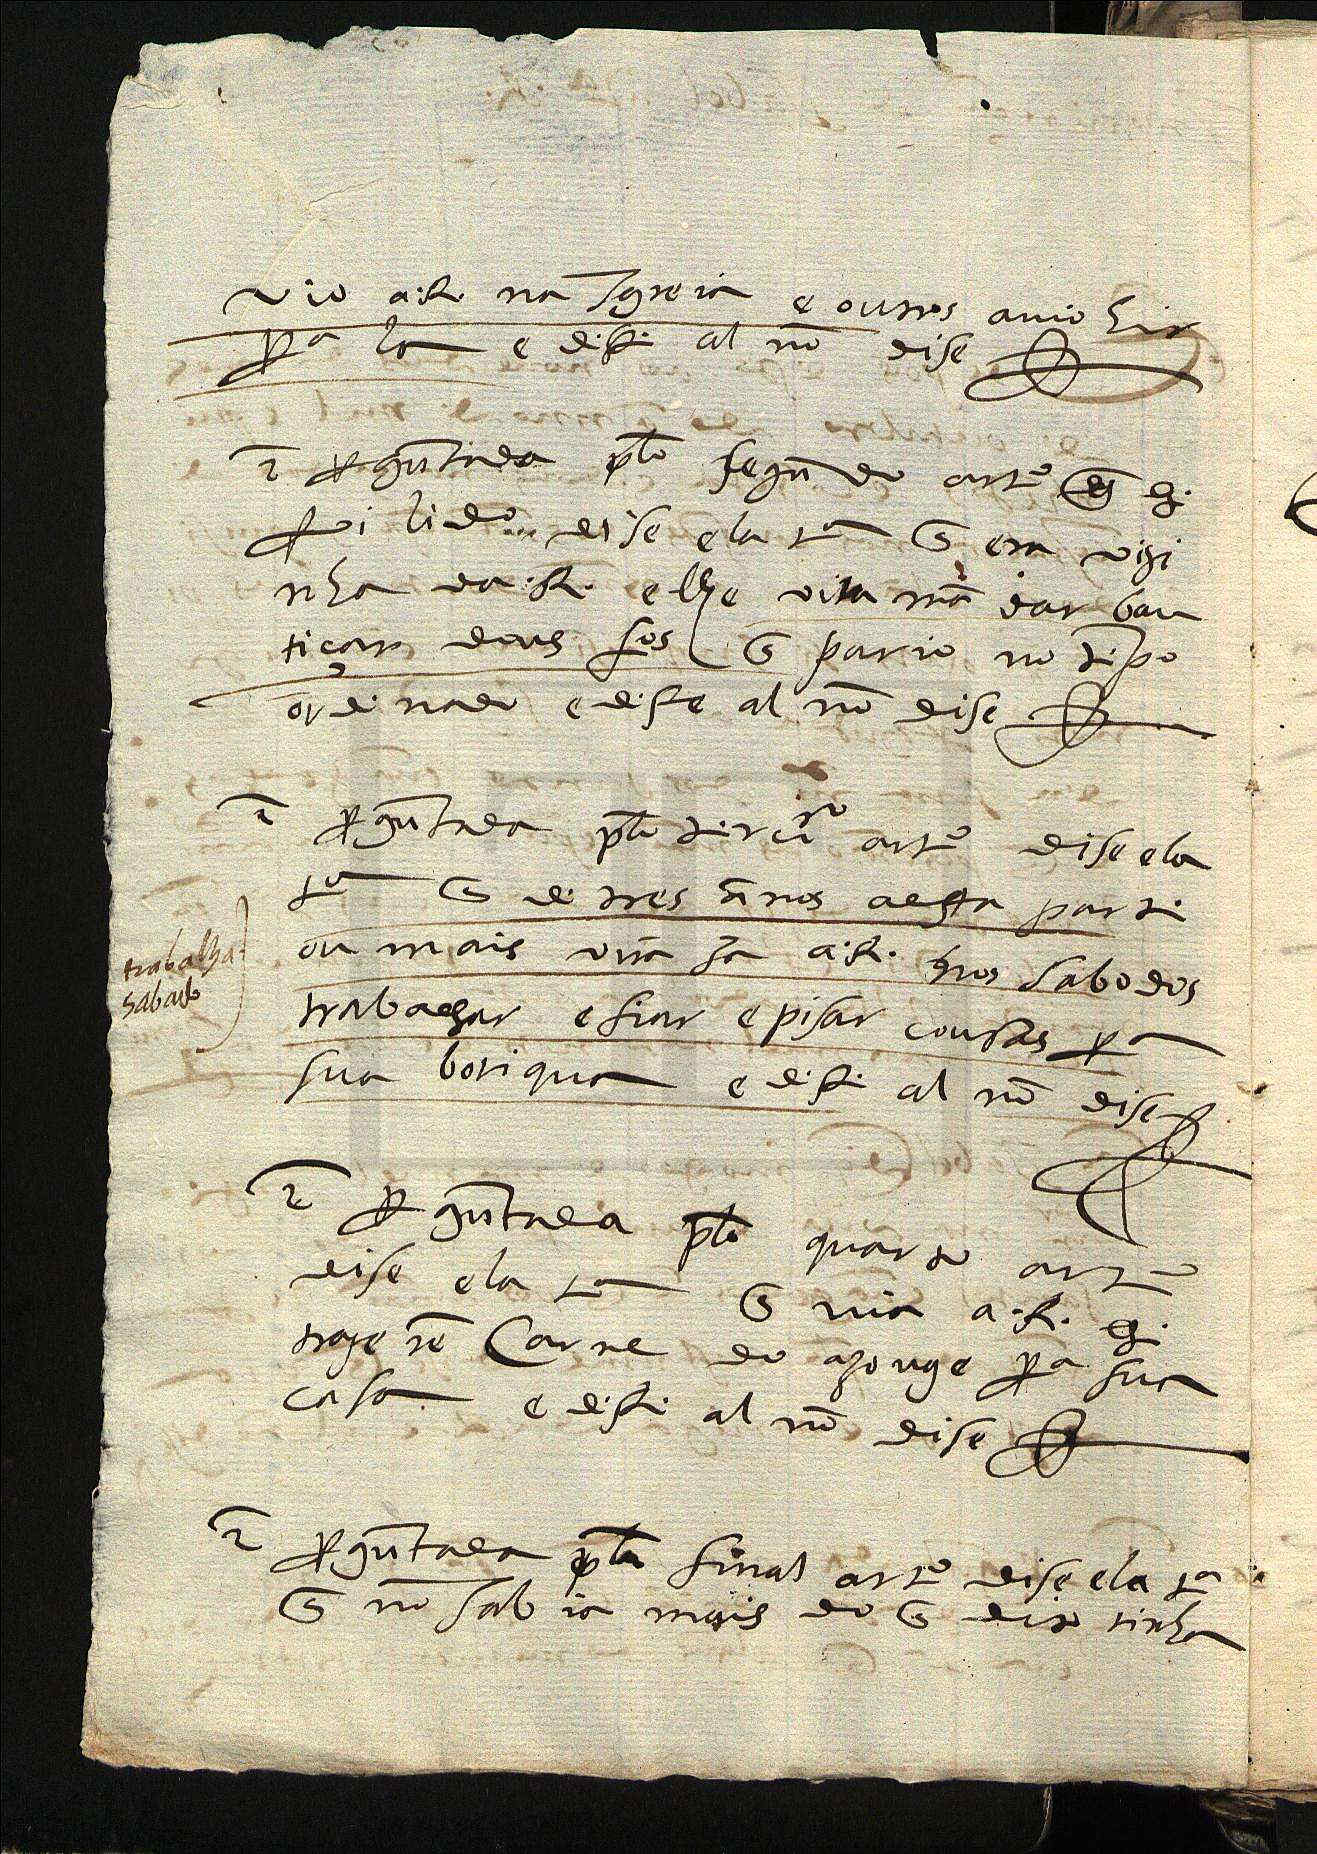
vio a .R. na Jgreia e outros a uio hir
ꝑa la e deste al n̄o dise
item ꝑgūtada p̄lo segūdo arto q̄ lhe
foi lido dise ela ta q̄ era visi
nha da .R. e lhe vira mādar bau
tiçar dous fos q̄ pario no tēpo
ordenado e deste al n̄o dise
item ꝑḡutada p̄lo terço arto dise ella
ta q̄ de tres anos a esta parte
trabalha
sabado
ou mais vira a .R. nos sabodos
trabalhar e fiar e pisar cousas ꝑa
sua botiqua e deste al nō dise
item ꝑgūtada p̄lo quarto arto
dise ela ta q̄ uia a .R. lhe
tragerē Carne do azouge ꝑa sua
casa e deste al nō dise
item ꝑgūtada p̄la final arto dise ela ta
q̄ n̄o sabia mais do q̄ dito tinha
